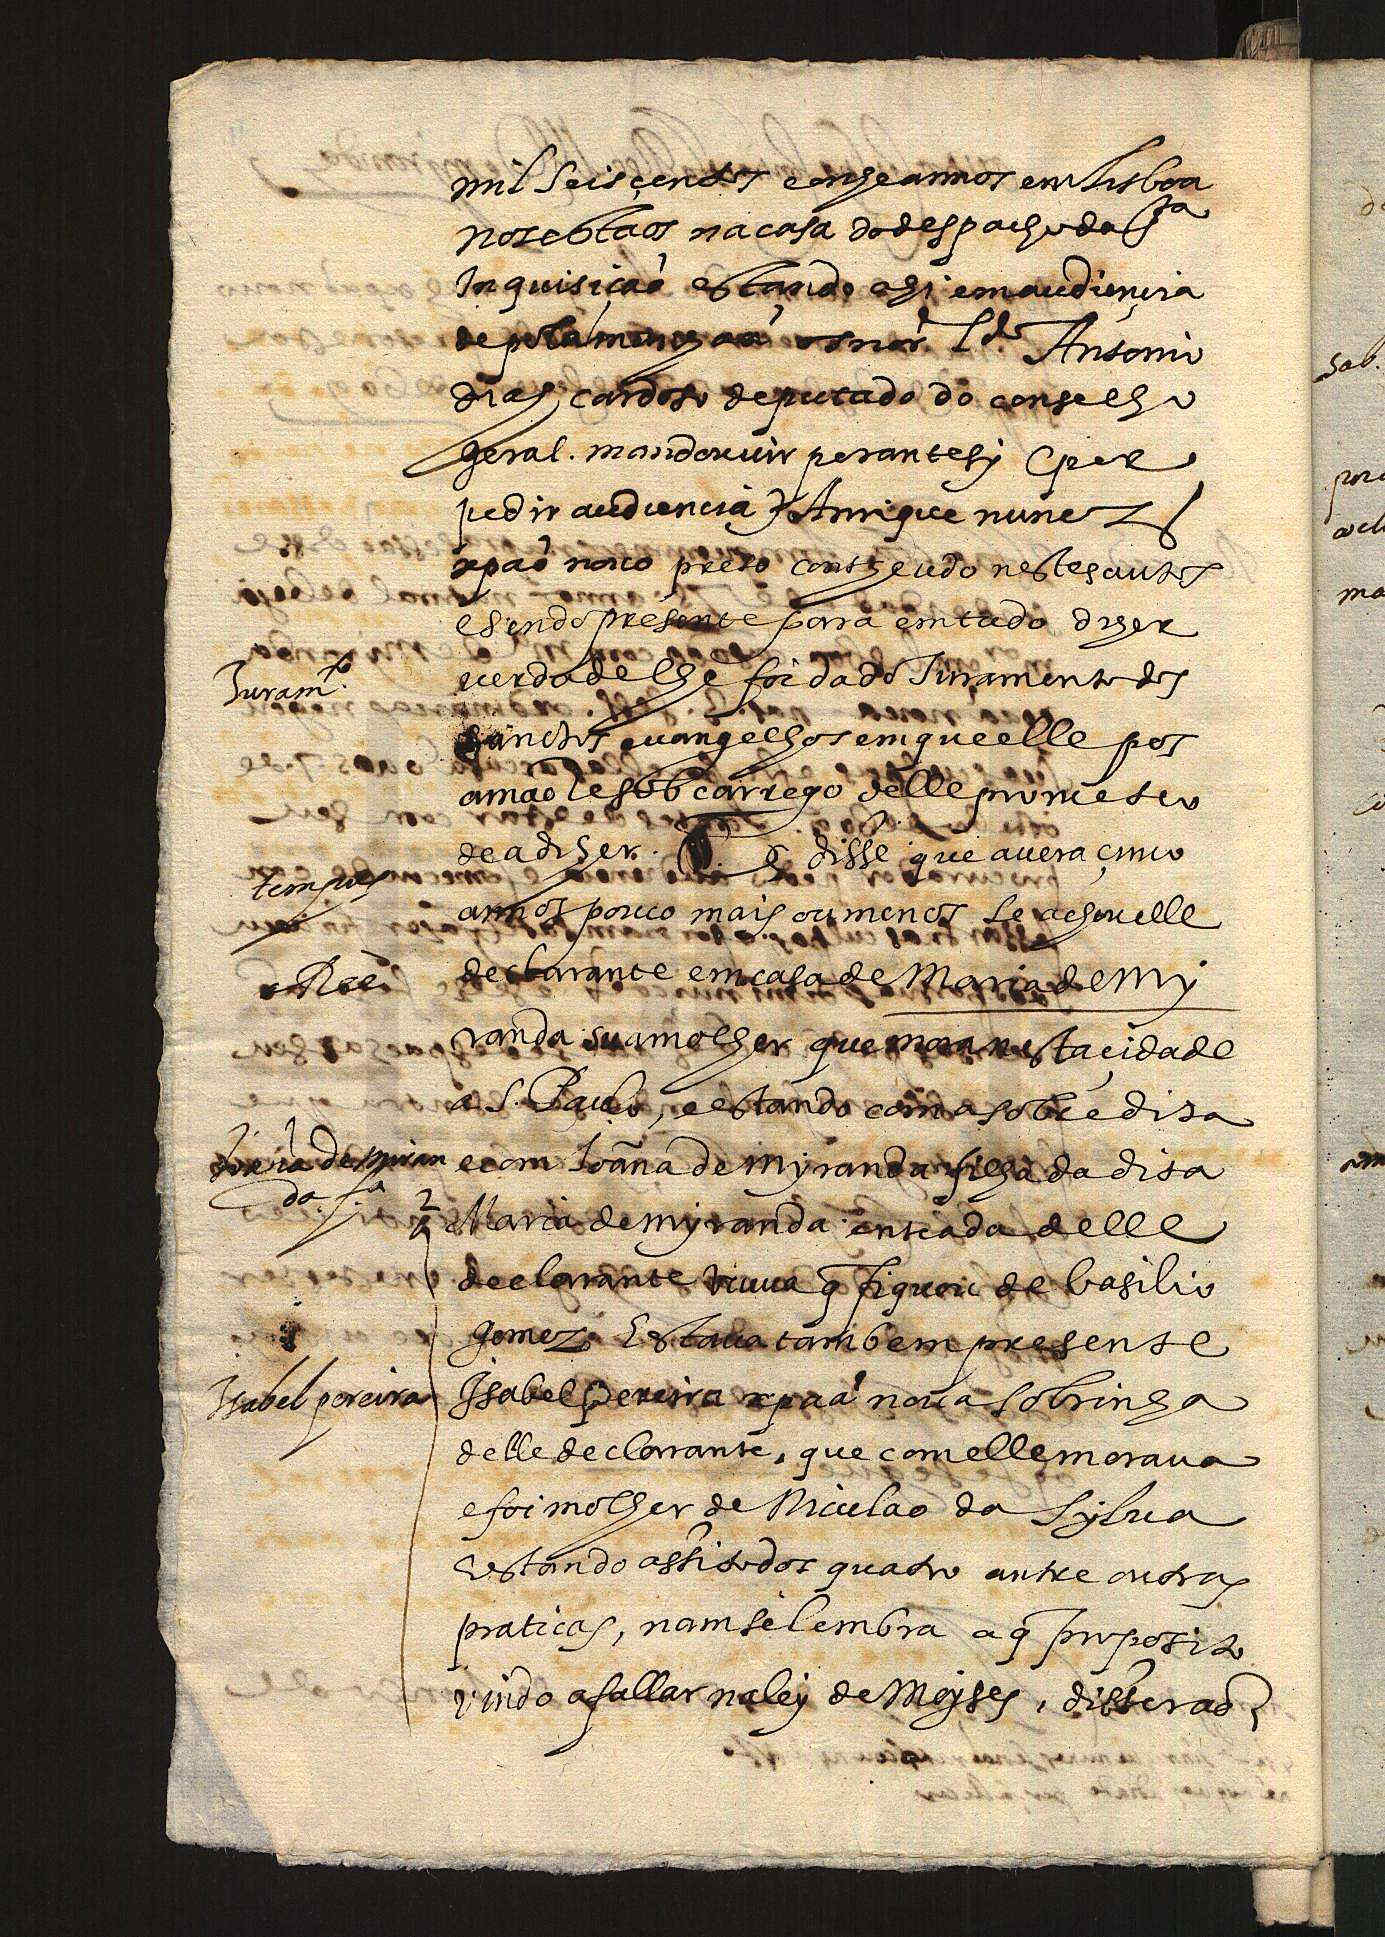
mil seisçentos e onze annos em Lisboa
nos estaos na casa do despacho da Sta
Inquisiçaõ estando ahi em audiençia
de pola manhaã o snor̄ Ldo. Antonio
diaz cardoso deputado do conselho
geral. mandou uir perante sy (por
pedir audiencia) Anrique nunez
xpaõ nouo preso contheudo nestes autos
e sendo presente para em tudo dizer
uerdade lhe foi dado Iuramento dos
sanctos euangelhos em que elle pos
a maõ e sob carrego delle prometeo
de a dizer. E disse que auera çinco
annos pouco mais ou menos se achou elle
declarante em casa de Maria de My
randa sua molher que mora nesta çidade
a S. Paulo, e estando com a sobredita
e com Joāna de myranda filha da dita
Maria de myranda enteada delle
declarante viuua q̄ fiquou de basilio
gomez E estava tambem presente
Jsabel pereira xpaã noua sobrinha
delle declarante, que com elle moraua
e foi molher de Niculao da Sylua
E estando ass̄i todos quatro antre outras
praticas, nam se lembra a q̄ proposito
vindo a fallar na ley de Moyses, diss̄eraõ
